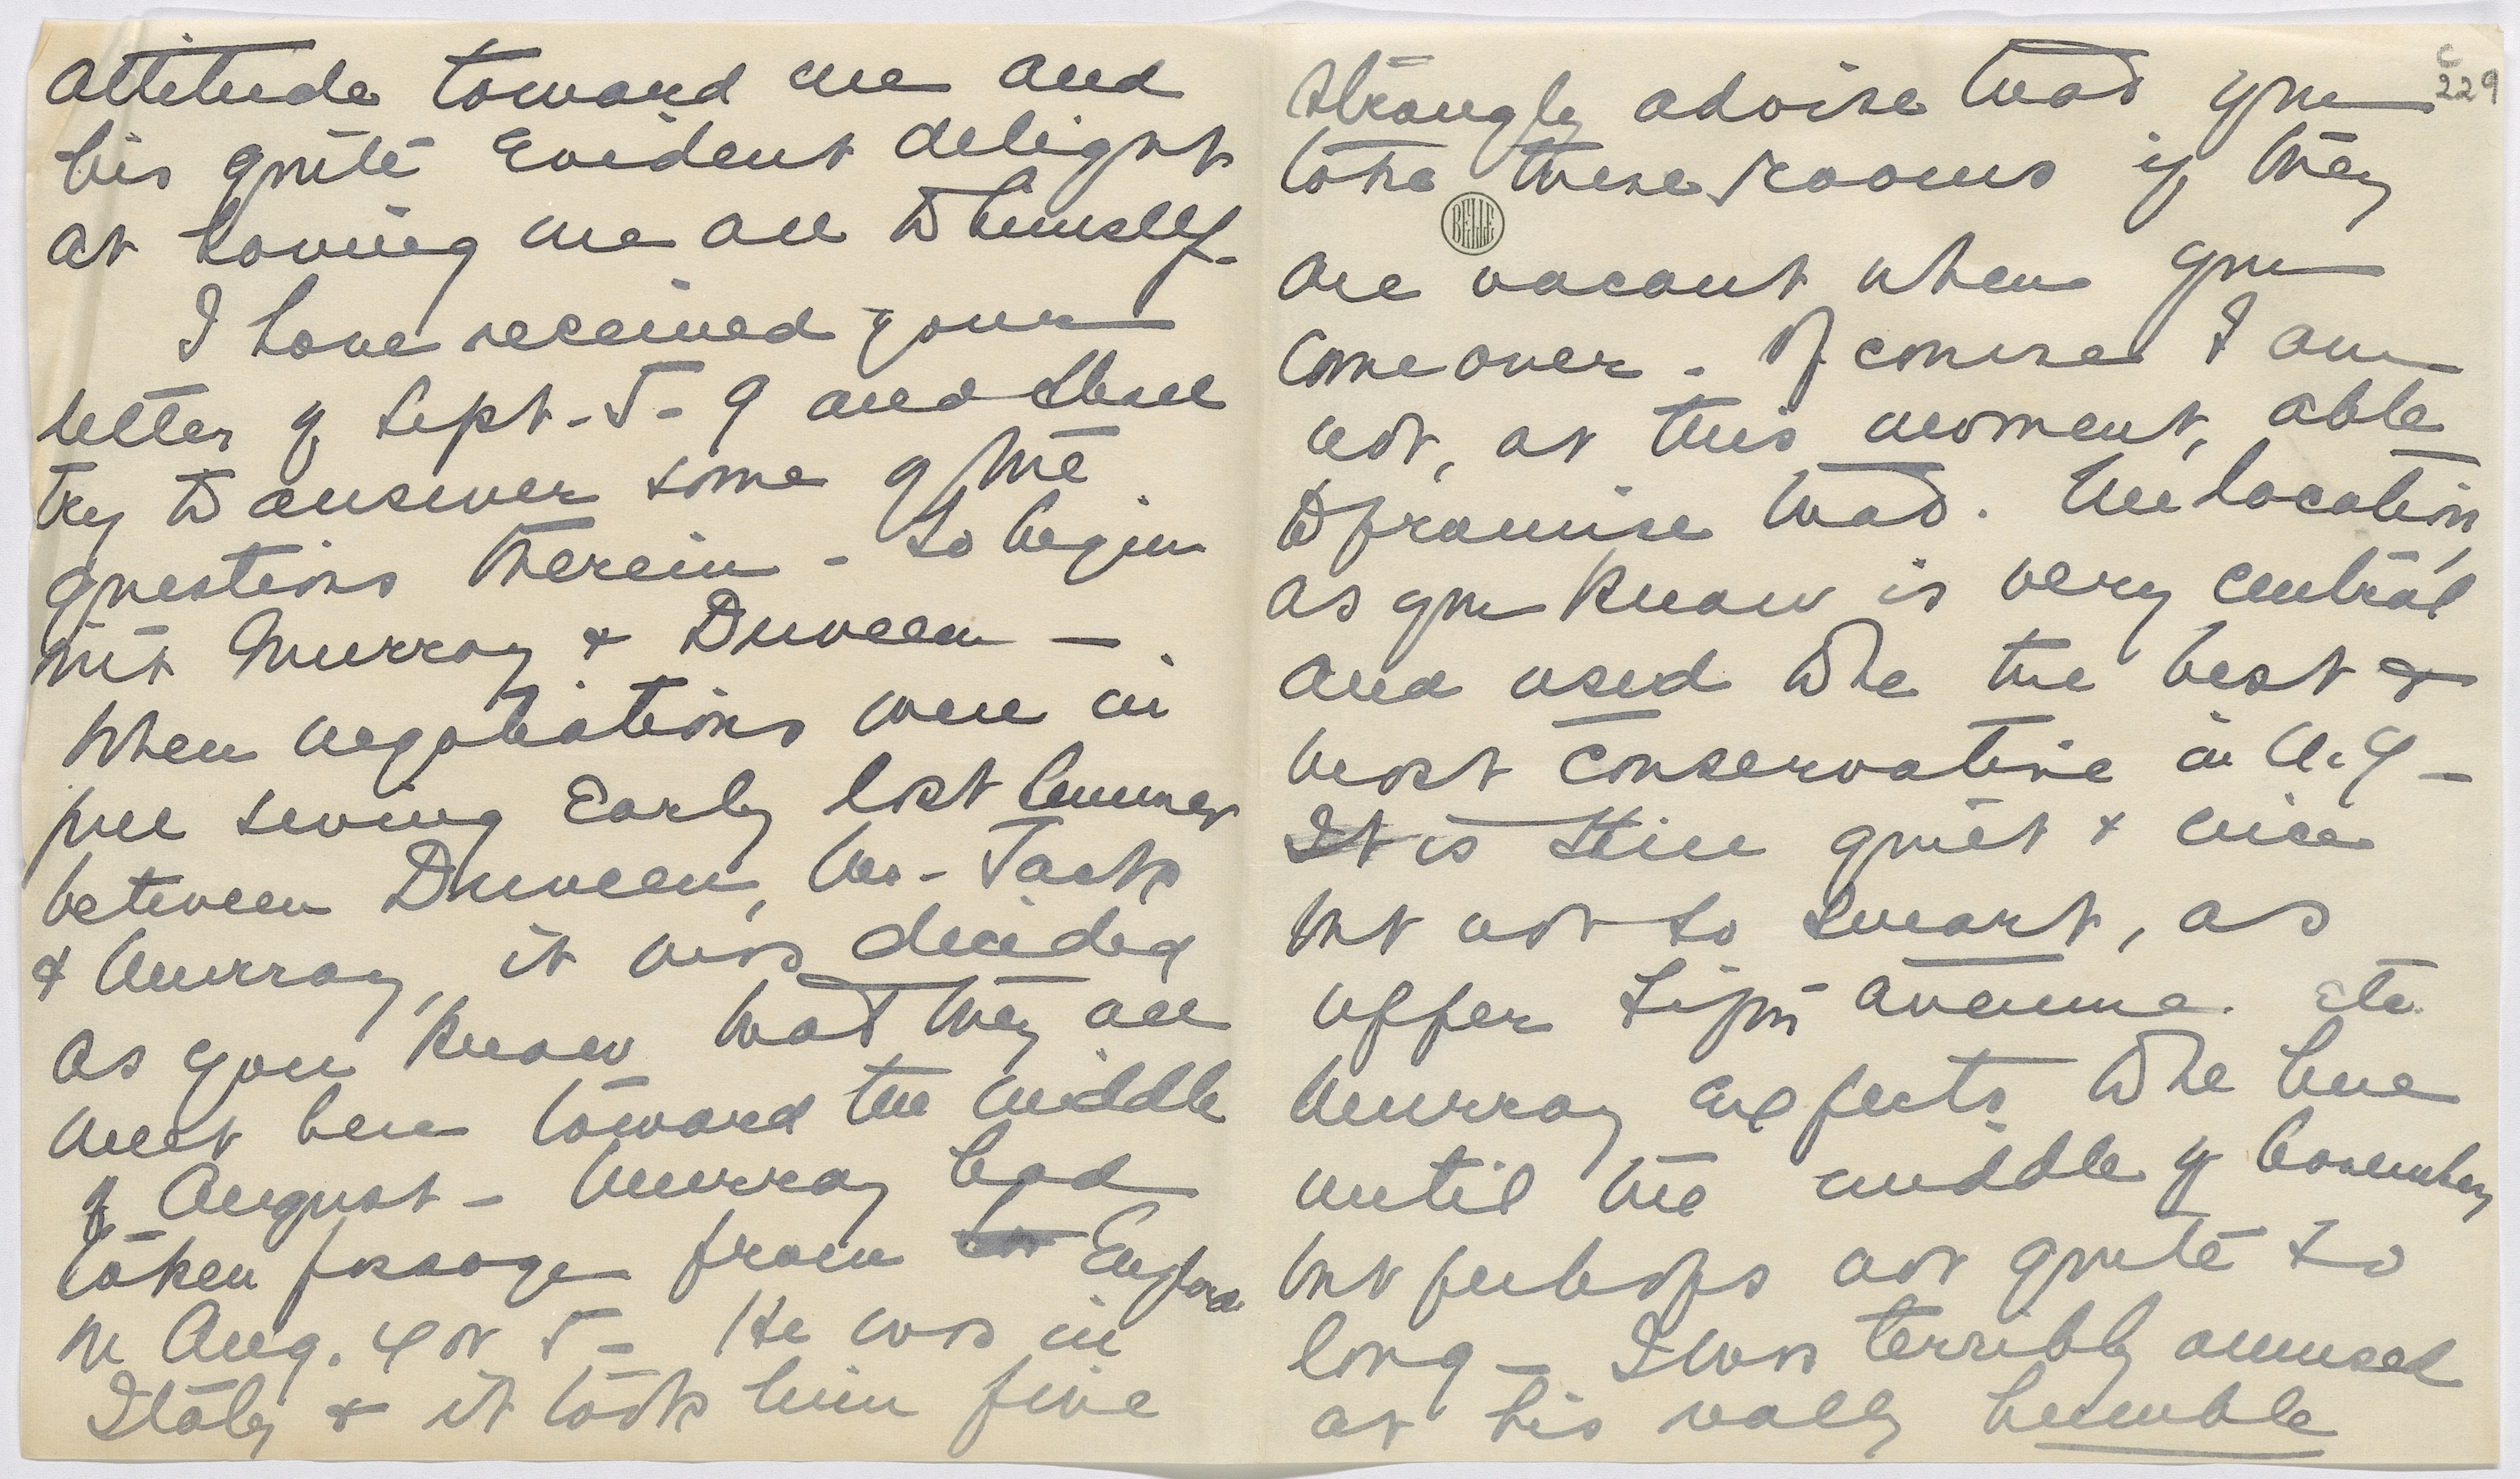strongly advise that you take these rooms if they are vacant when you come over – of course I am not, at this moment, able to promise that. The location as you know is very central and used to be the best & most conservative in N.Y – It is still quiet & nice but not so smart, as upper Fifth Avenue etc. Murray expects to be here until the middle of November but perhaps not quite so long – I was terribly amused at his really humble
attitude toward me and his quite evident delight at having me all to himself.
I have received your letter of Sept. 5-9 and shall try to answer some of the questions therein – to begin with Murray & Duveen –
When negotiations were in full swing early last summer between Duveen, Mr. Jack & Murray, it was decided as you know that they all meet here toward the middle of August – Murray had taken passage from Lon Europe on Aug. 4 or 5 – He was in Italy & it took him five